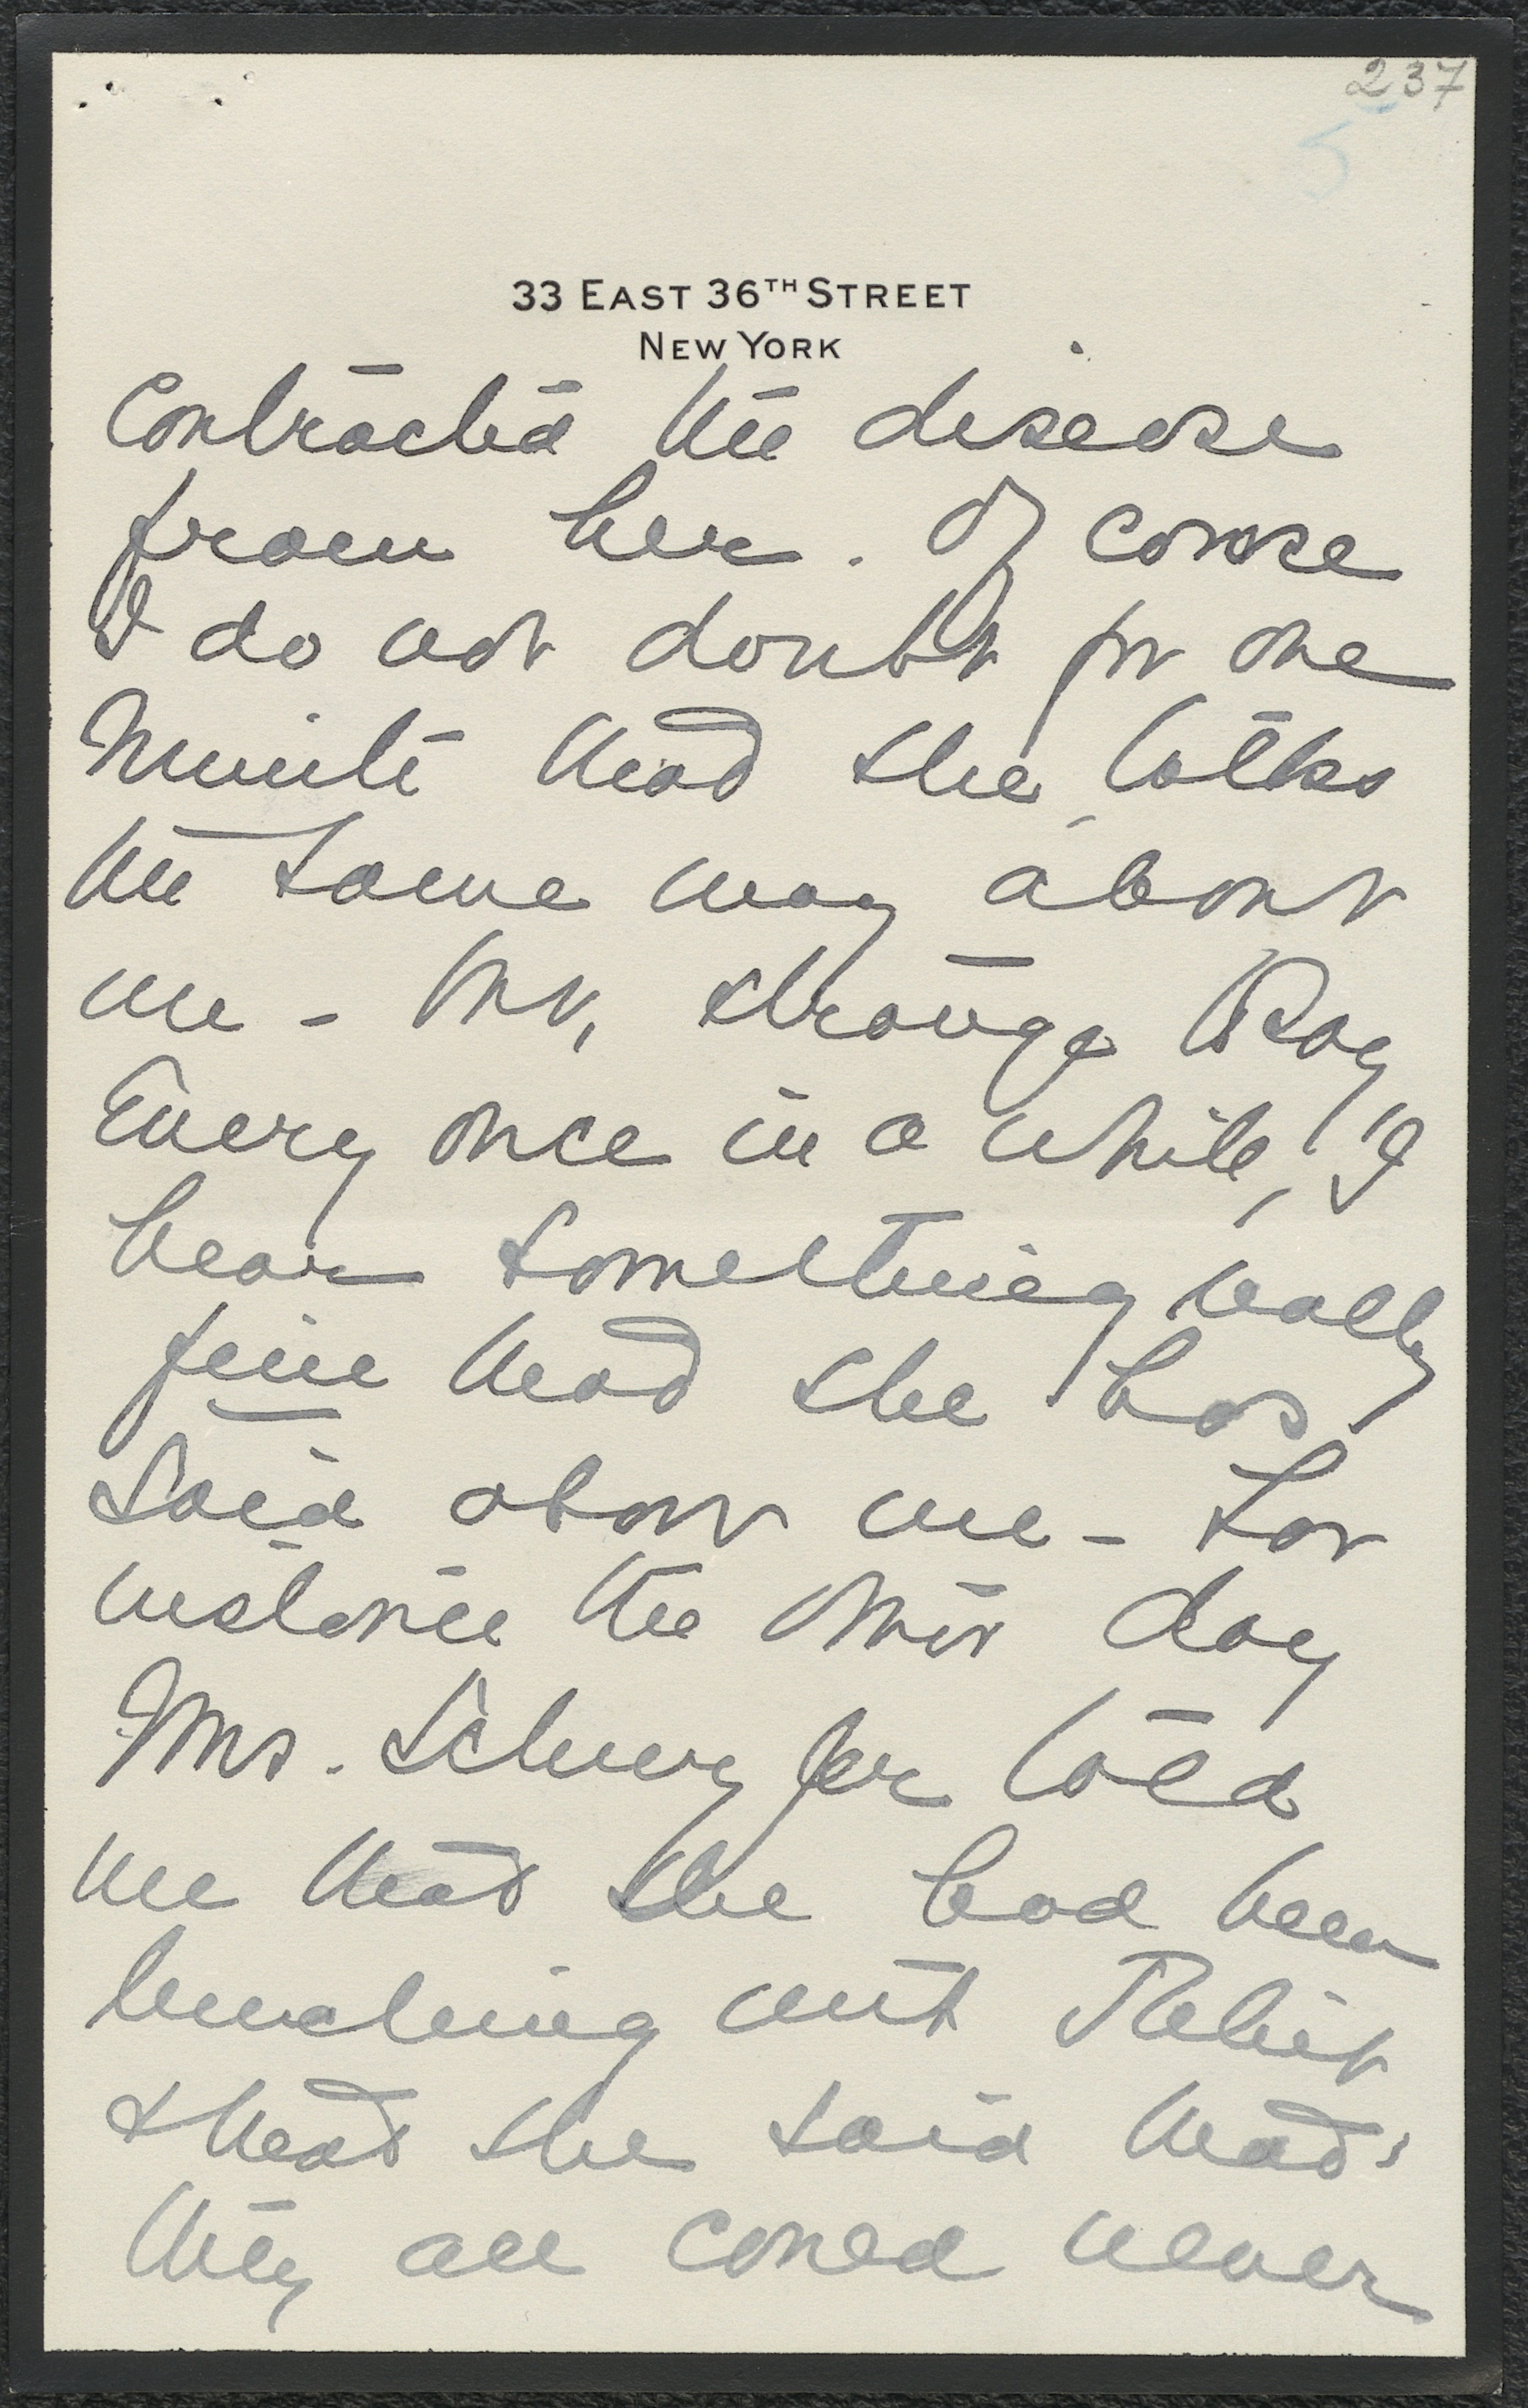contracted the disease from her. Of course I do not doubt for one minute that she talks the same way about me – but, strange to say every once in a while, I hear something really fine that she has said about me — for instance the other day Mrs. Scuyler told me that she had been lunching with Juliet & they said that they all could never